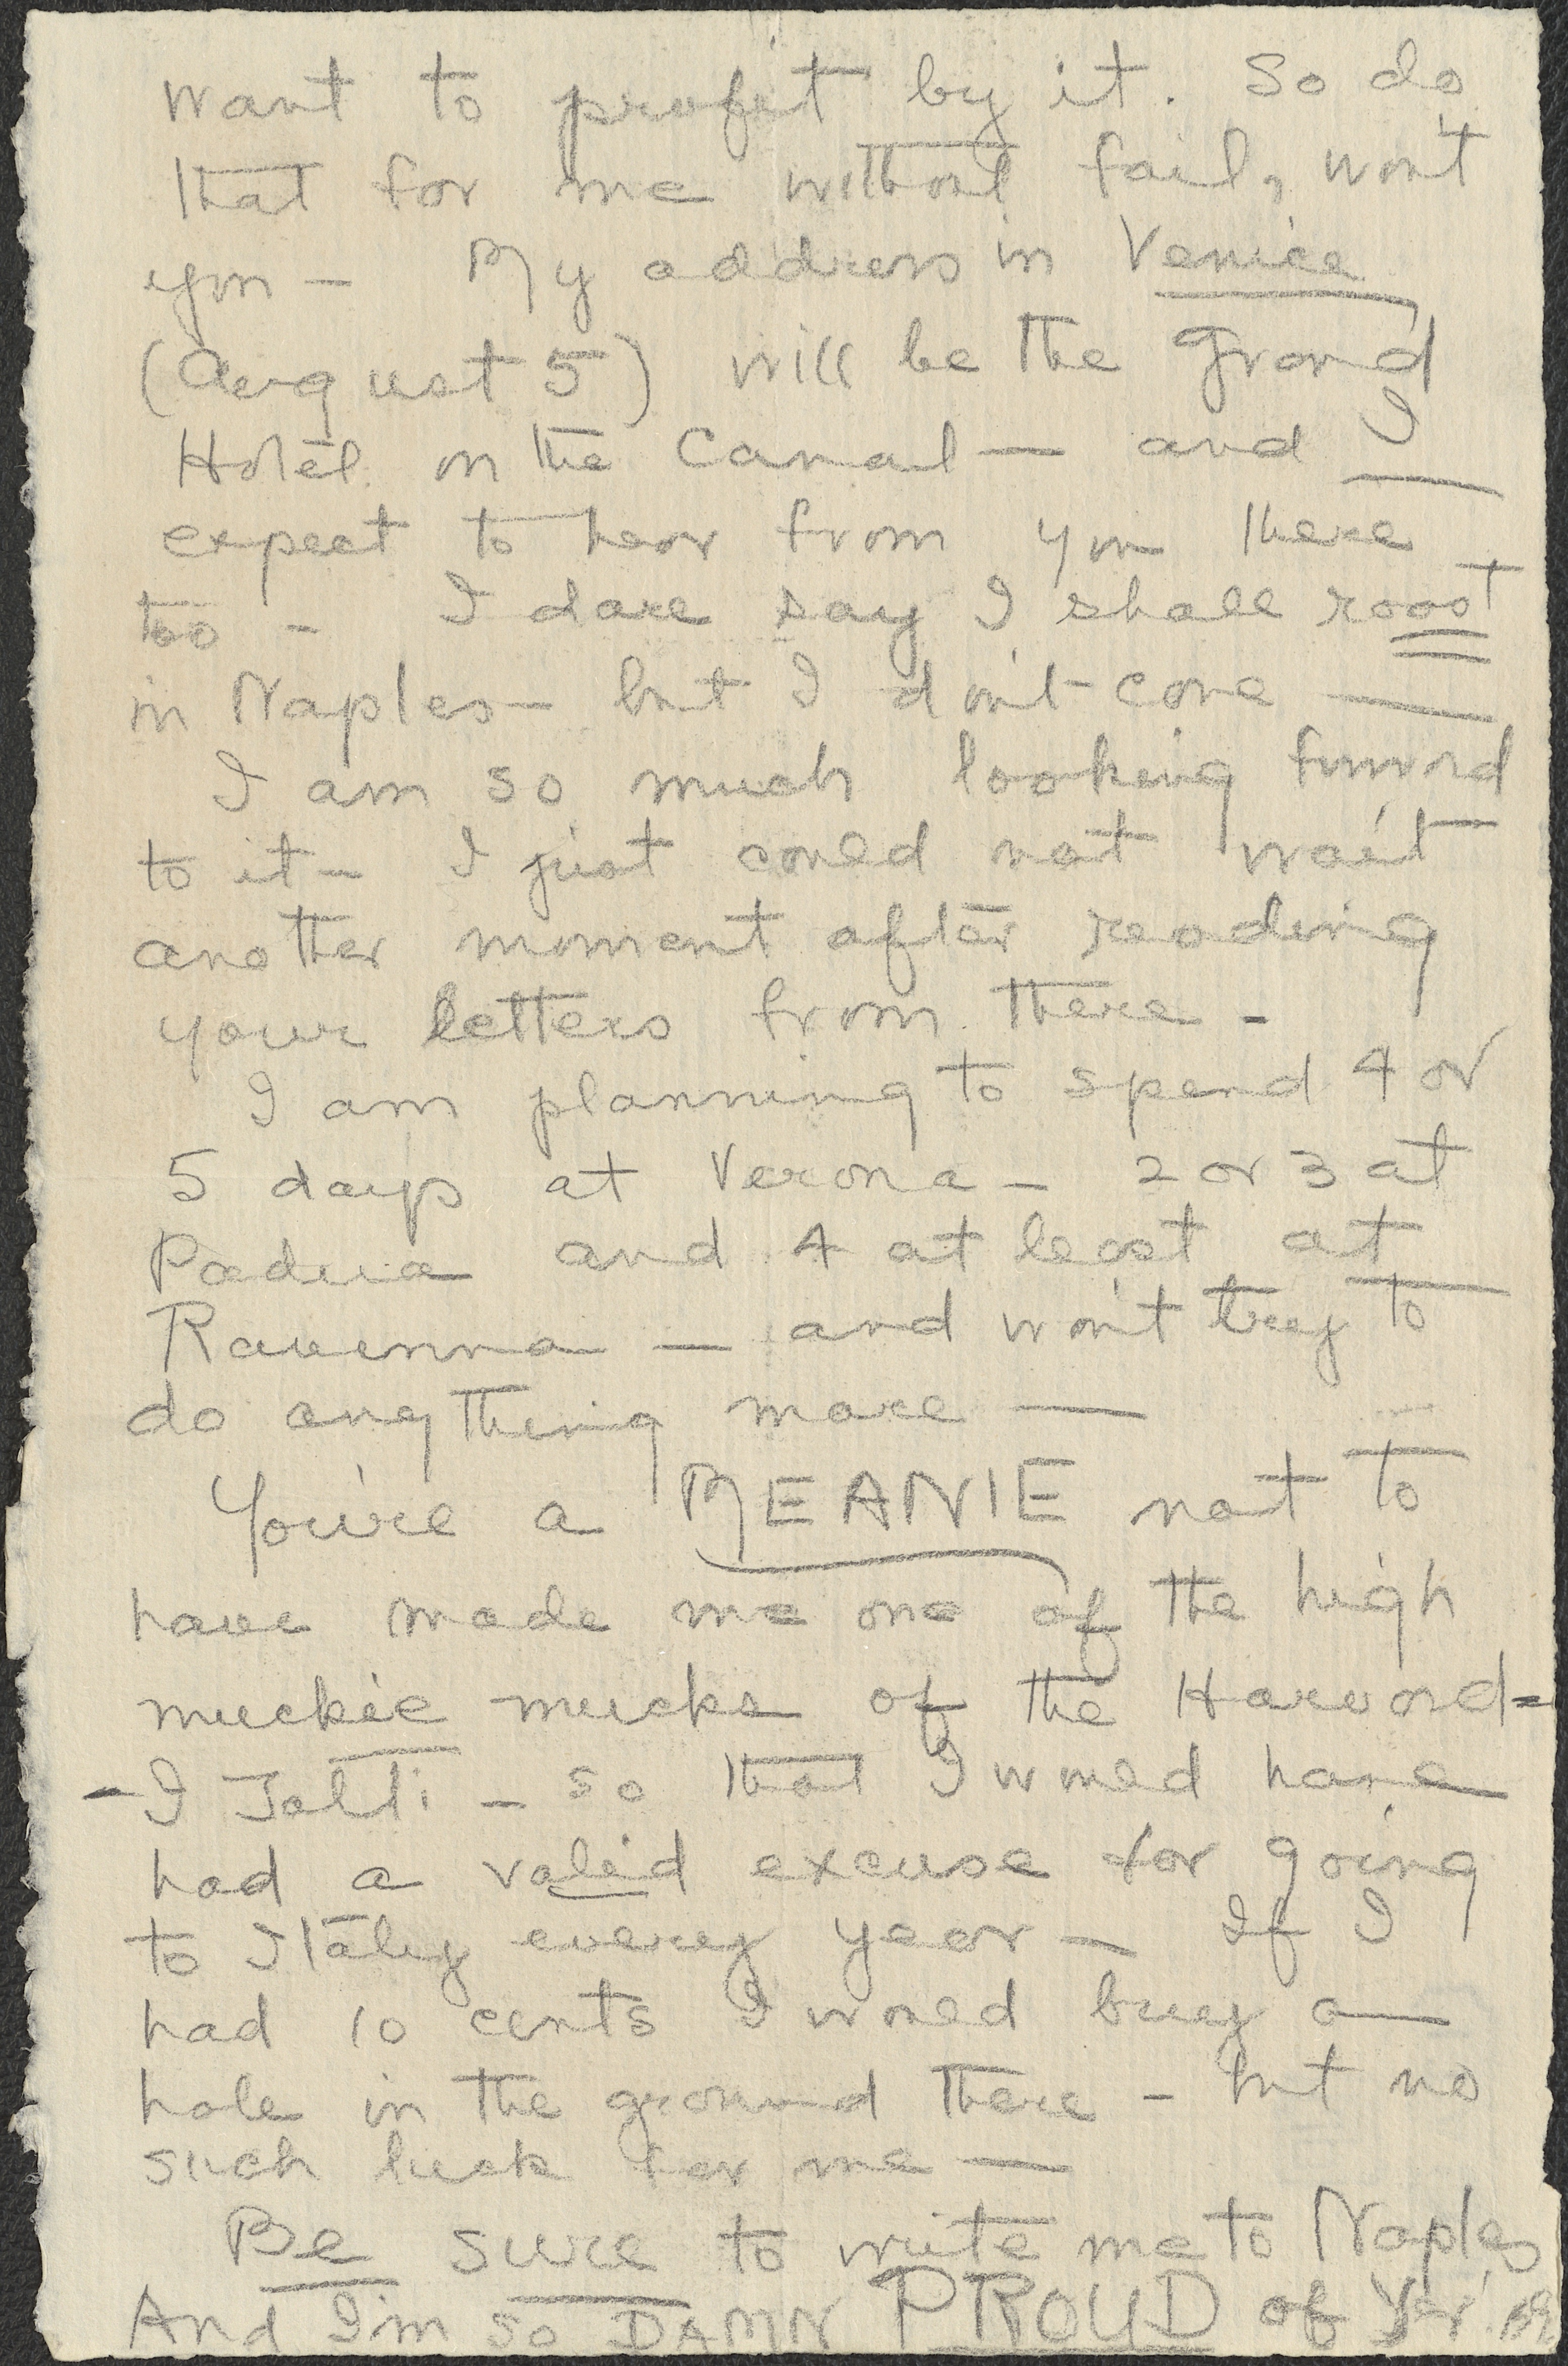want to profit by it. So do that for me without fail, won’t you – My address in Venice (August 5) will be the Grand Hotel on the Canal – and I expect to hear from you there too – I dare say I shall [double underline: roast] in Naples – but I don’t care –
I am so much looking forward to it – I just could not wait another moment after reading your letters from there –
I am planning to spend 4 or 5 days at Verona – 2 or 3 at Padua and 4 at least at Ravenna – and won’t try to do anything more –
You’re a MEANIE not to have made me one of the high muckie mucks of the Harvard-I Tatti – so that I would have had a valid excuse for going to Italy every year – If I had 10 cents I would buy a hole in the ground there – but no such luck for me –
Be sure to write me to Naples and I’m so DAMN PROUD of You!
B.G.